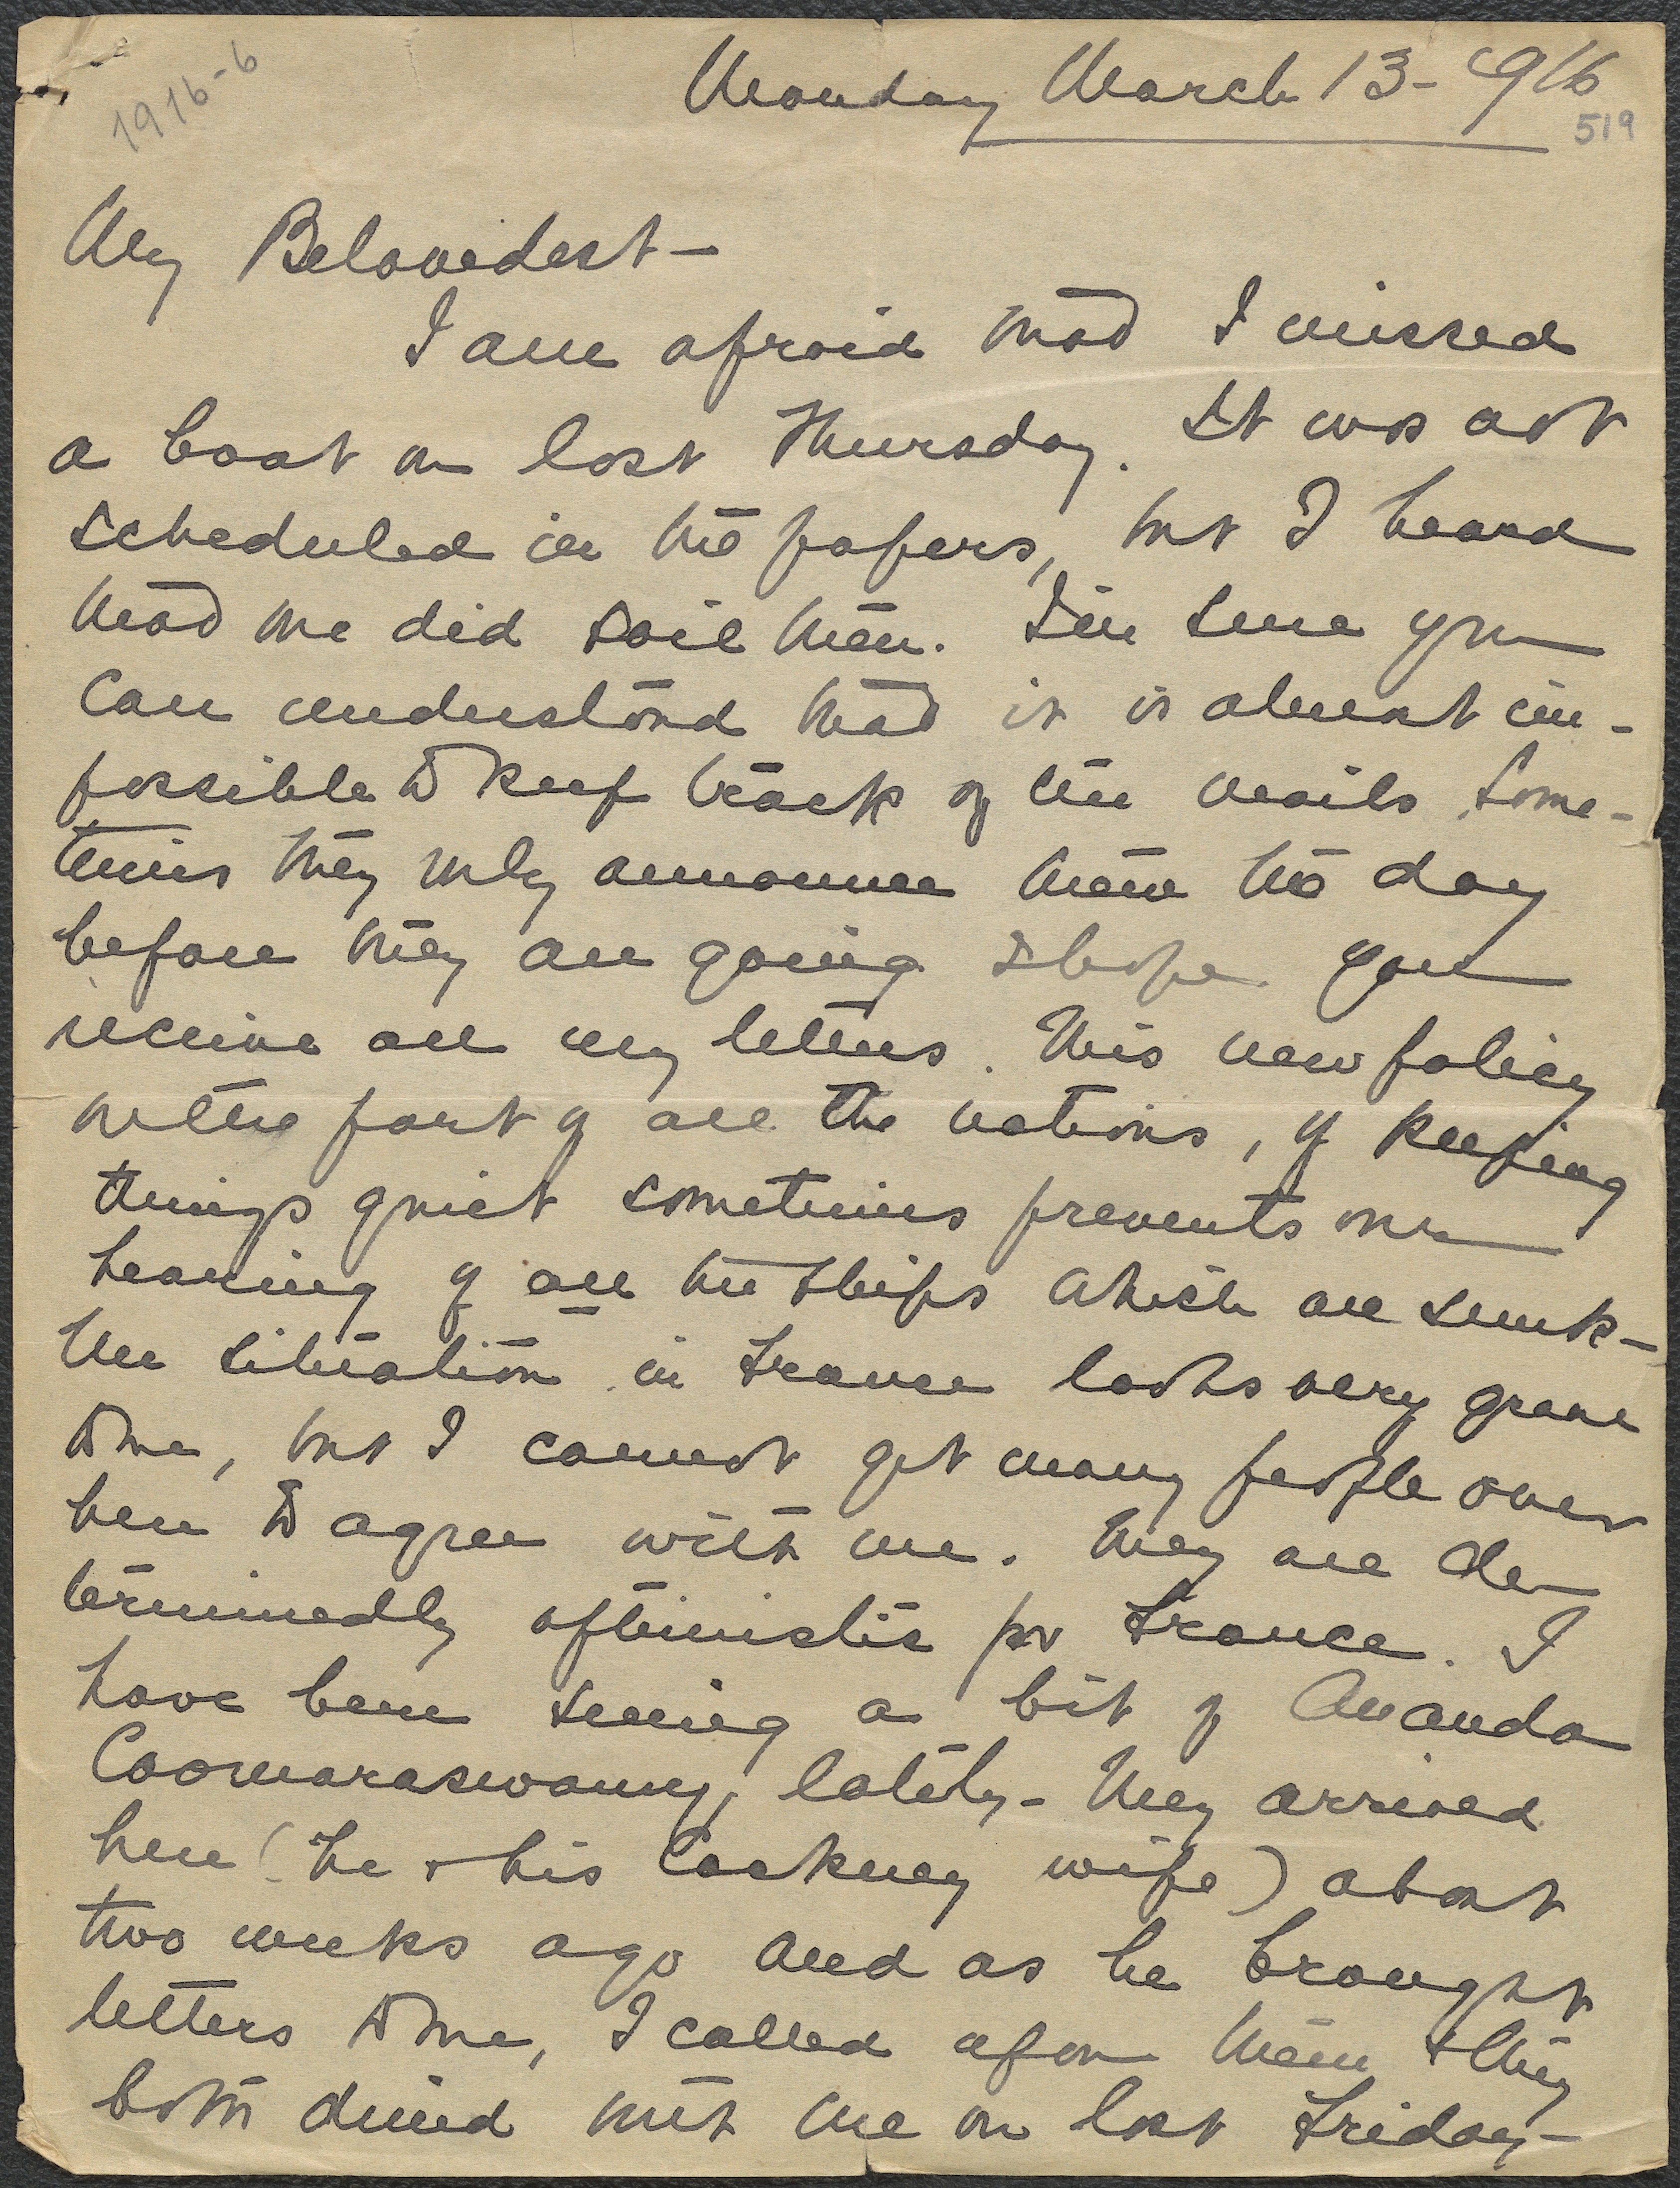Monday March 13 – 1916
My Belovedest –
I am afraid that I missed a boat on last Thursday. It was not scheduled in the papers, but I heard that one did sail then. I'm sure you can understand that it is almost impossible to keep track of the mails sometimes they only announce them the day before they are going I hope you receive all my letters. This new policy on the part of all the nations, of keeping things quiet sometimes prevents our hearing of all the ships which are sunk – the situation in France looks very grave to me, but I cannot get many people over here to agree with me. They are determinedly optimistic for France. I have been seeing a bit of Ananda Coomaraswamy lately – they arrived here (he & his Cockney wife) about two weeks ago and as he brought letters to me, I called upon them & they both dined with me on last Friday –